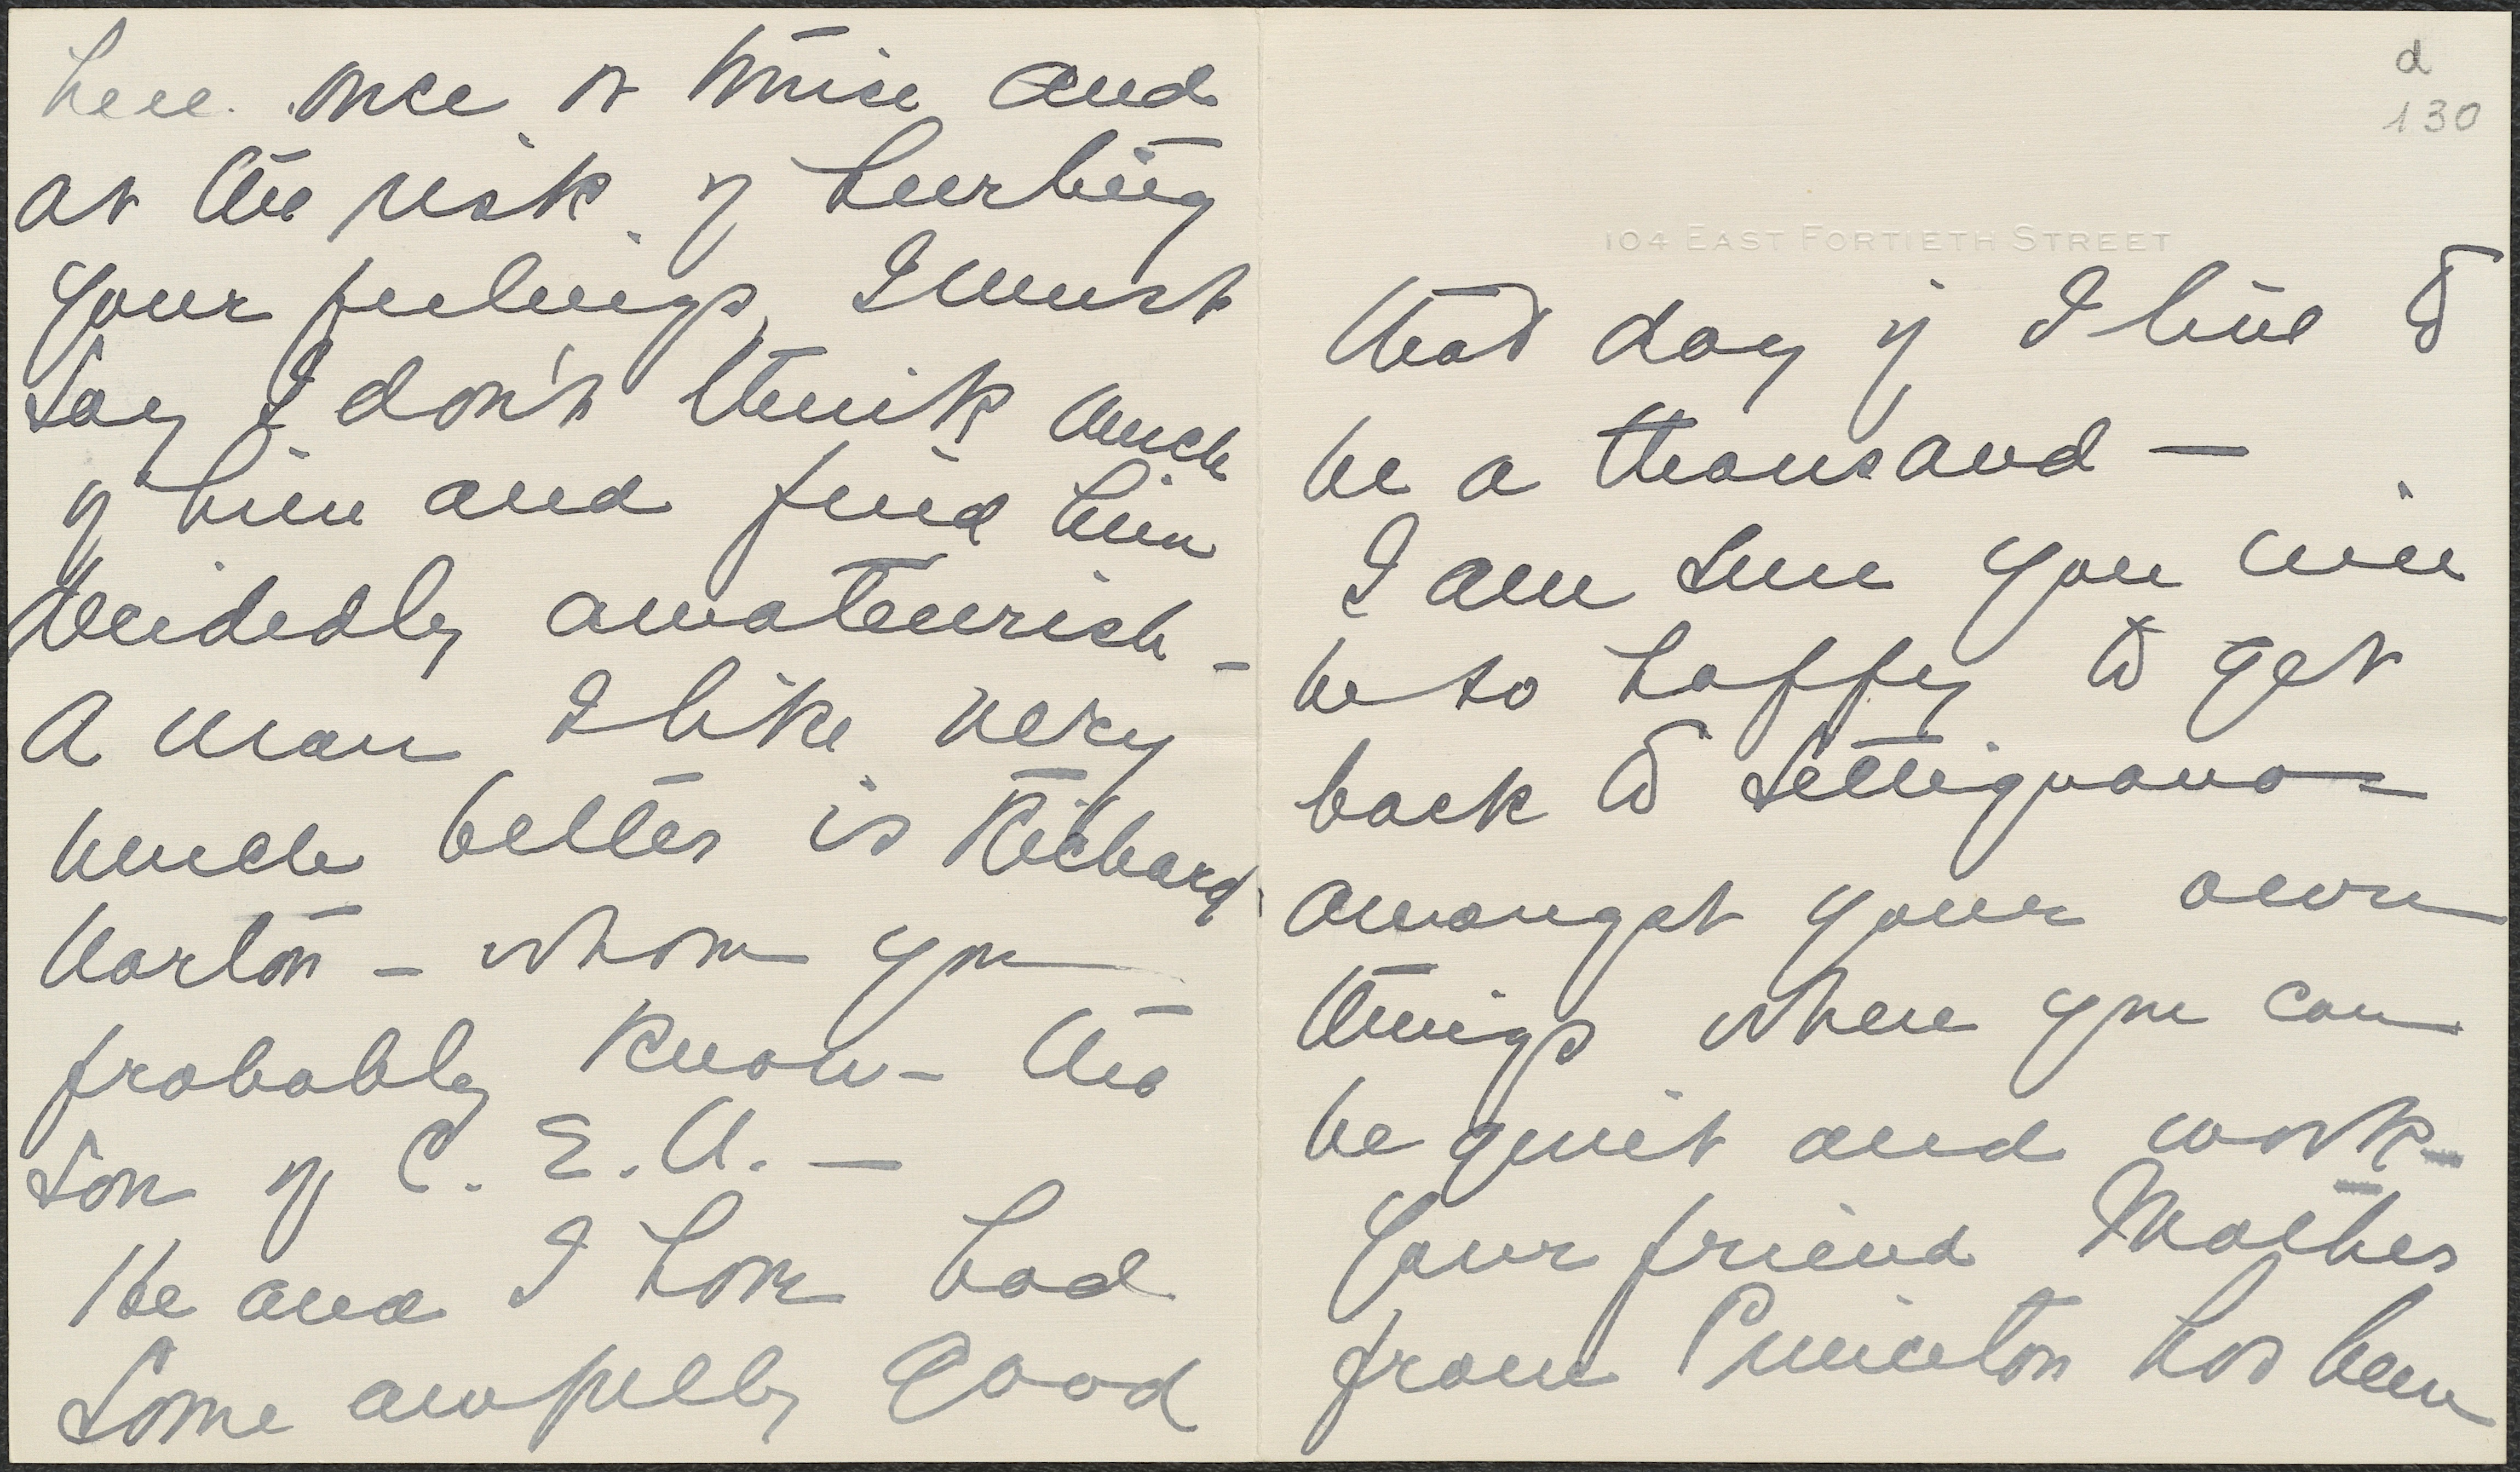that day if I live to be a thousand –
I am sure you will be so happy to get back to Settignano amongst your own things where you can be quiet and work Your friend Mather from Princeton has been
here once or twice and at the risk of hurting your feelings I must say I don’t think much of him and find him decidedly amateurish – a man I like very much better is Richard Norton – whom you probably know – the son of C. E. N. –
He and I have had some awfully good